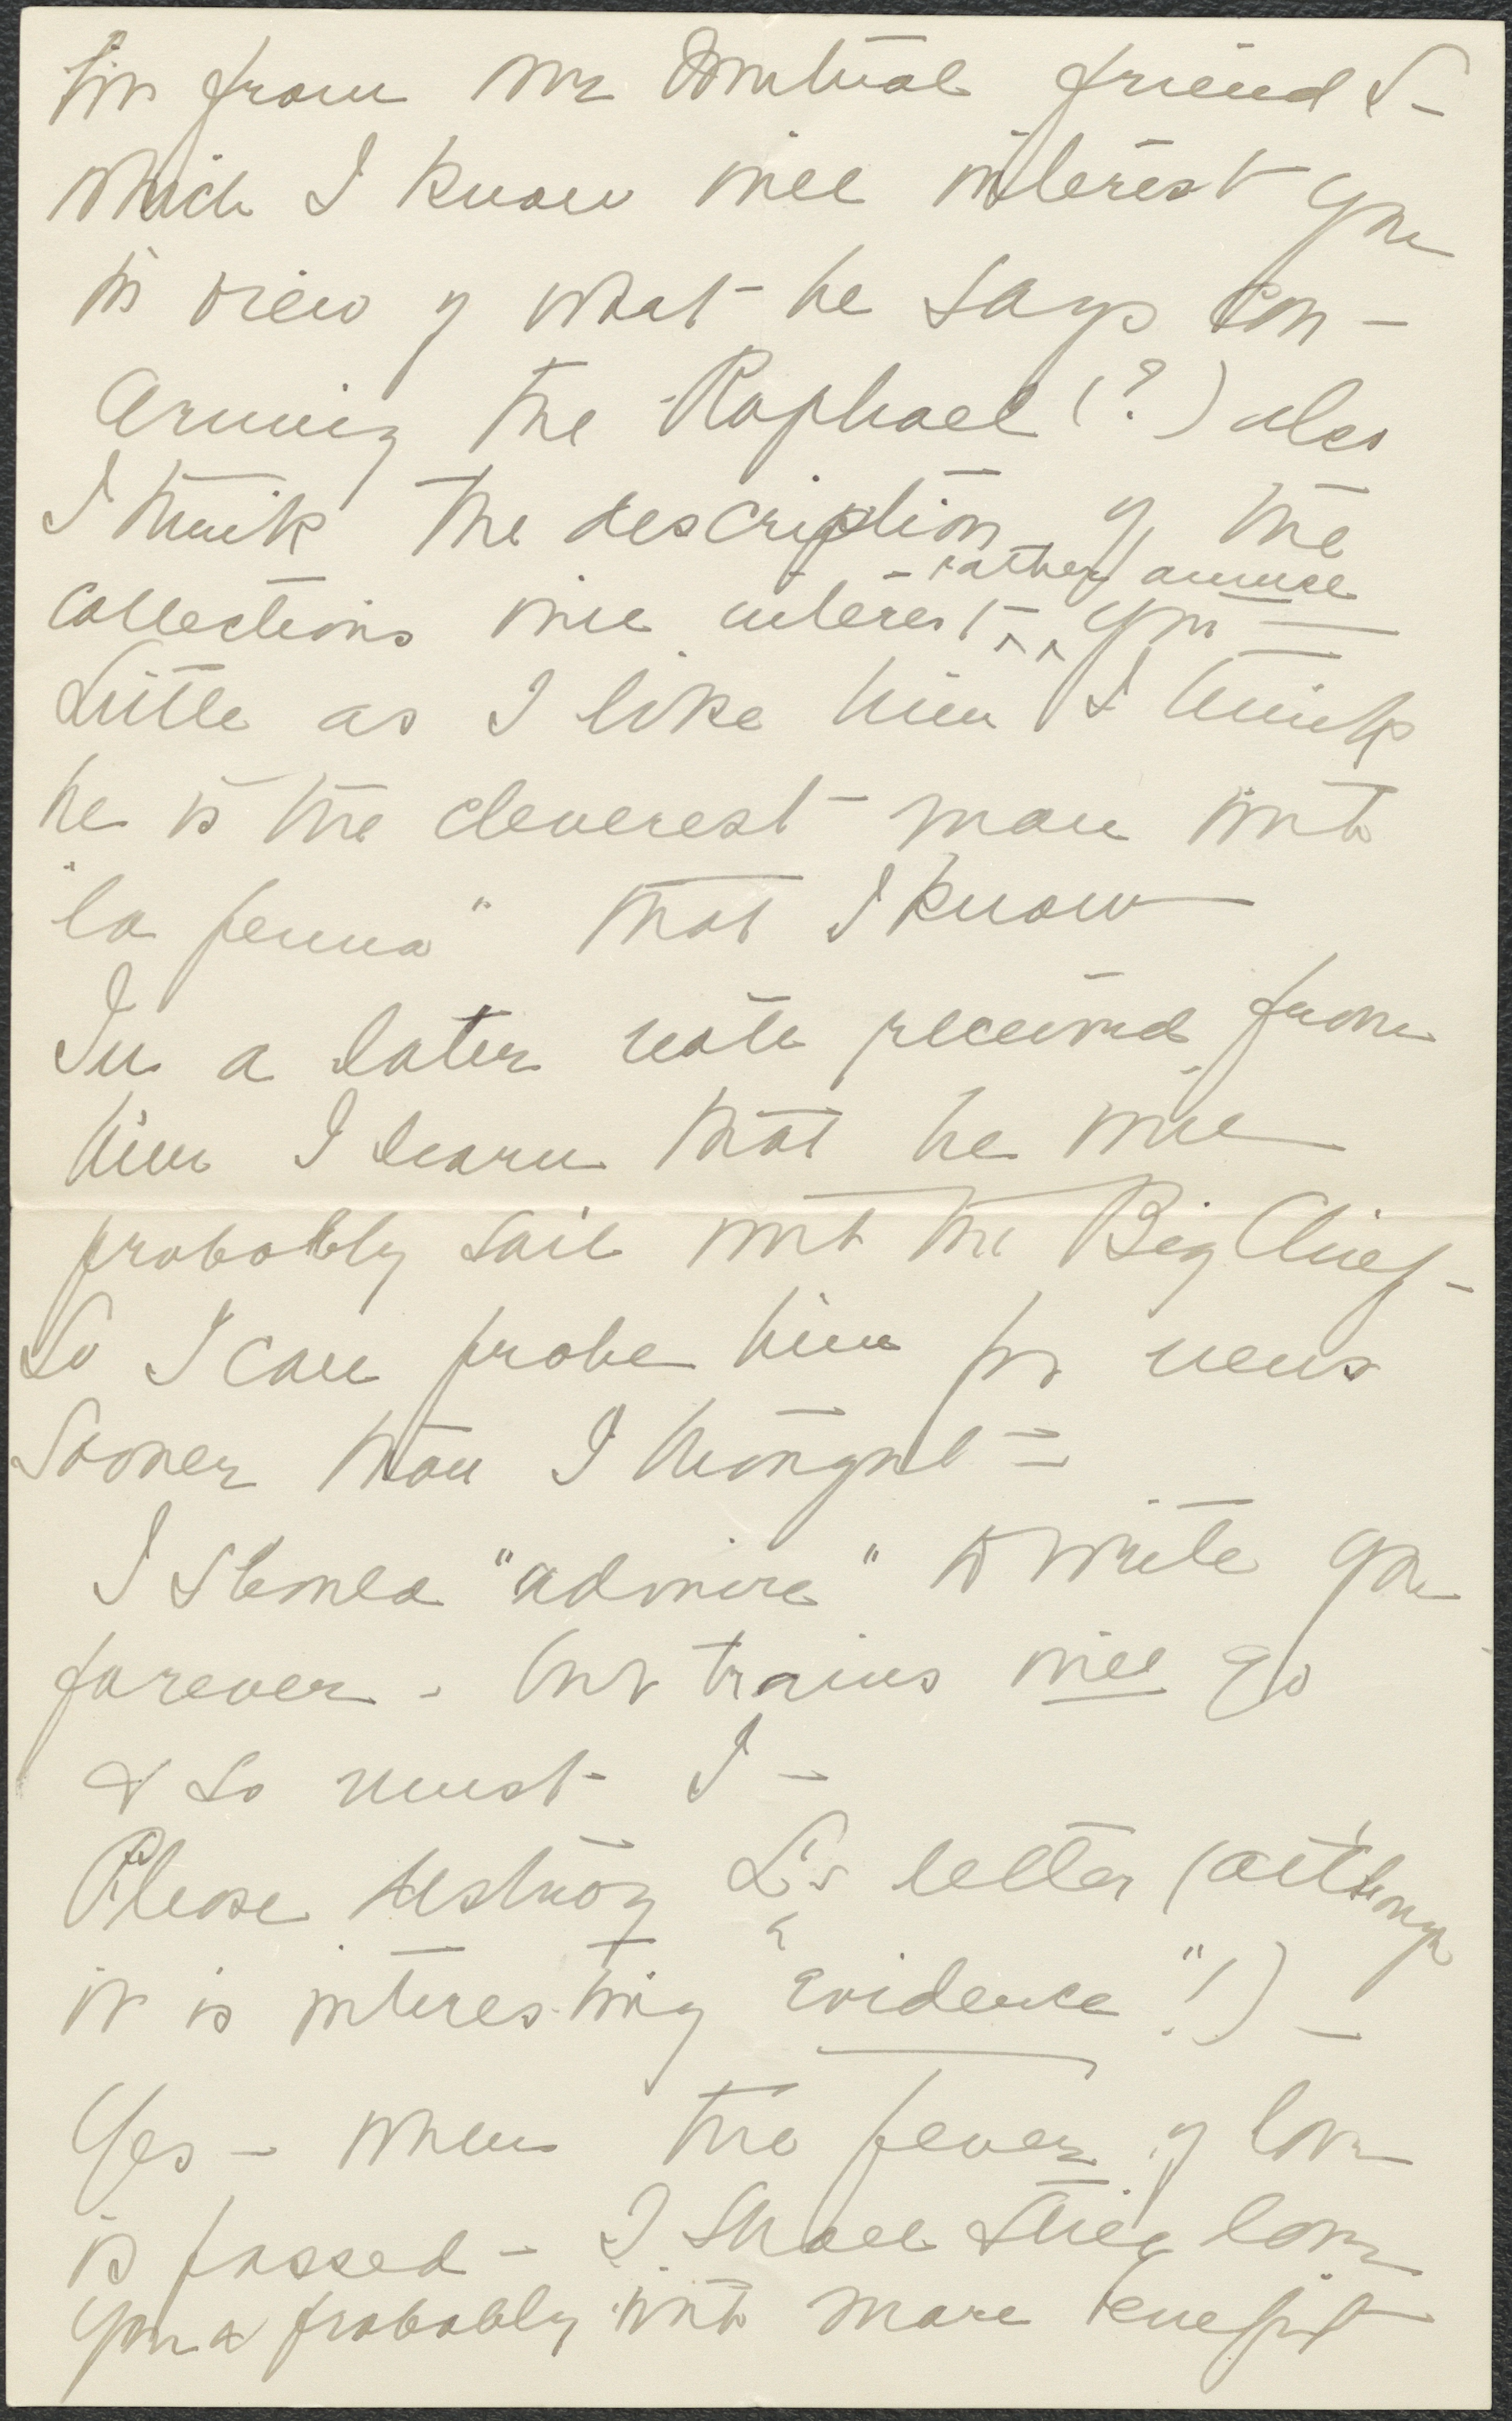bit from our mutual friend L – which I know will interest you in view of what he says concerning the Raphael (?) also I think the description of the collections will interest ˆrather amuseˆ you – Little as I like him I think he is the cleverest man with “la penna” that I know
In a later note received from him I learn that he will probably sail with the Big Chief – So I can probe him for news sooner than I thought –
I should “admire” to write you forever – but trains will go & so must I –
Please destroy L’s letter (although it is interesting “evidence”!) –
Yes – when the fever of love is passed – I shall still love you & probably with more benefit